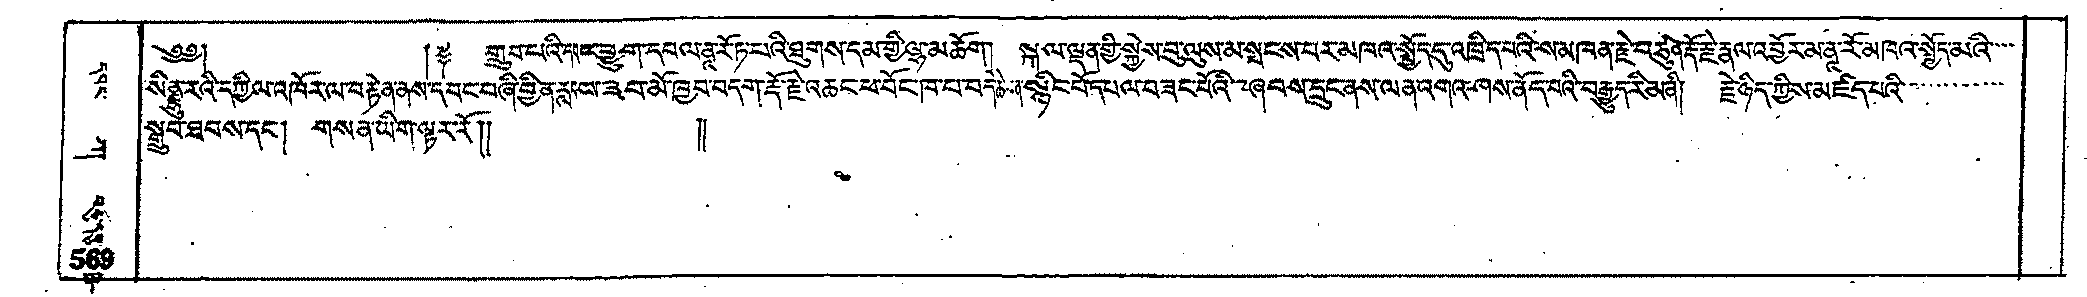༄༅། །༑ གྲུབ་པའི་དབང་ཕྱུག་དཔལ་ནཱ་ཏོ་ཏ་པའི་ཏྡུགས་དམ་གྱི་ལྷ་མཆོག། སྐལ་ལྡ་གྱི་སྐྱེས་བུ་ལུས་མ་སྤངས་པར་མཁའ་སྤྱོད་དུ་འཁྲིད་པའི་ས་མཁན་རྗེ་བཙུན་རྡོ་རྗེ་རྣལ་འབྱོར་མ་ནཱ་རོ་མཁའ་སྤྱོད་མའི་
སིངྷུ་རའི་དཀྱིལ་འཁོར་ལ་བརྟེན་ནས་དབང་བཞི་བྱིན་རླབས་ཟབ་མོ་ཁྱབ་བདག་རྡོ་རྗེ་འཆང་ཕ་བོང་ཁ་པ་བདེ་ཆེན་སྙིང་པོ་དཔལ་བཟང་པོའི ༧ཞབས་དྲུང་ནས་ལན་འགའ་ཤས་ནོད་པའི་བརྒྱུད་རིམ་ནི། རྗེ་ཉིད་ཀྱིས་མཛད་པའི་
སྒྲུབ་ཐབས་དང་། གསན་ཡིག་ལྟར་རོ།། །།